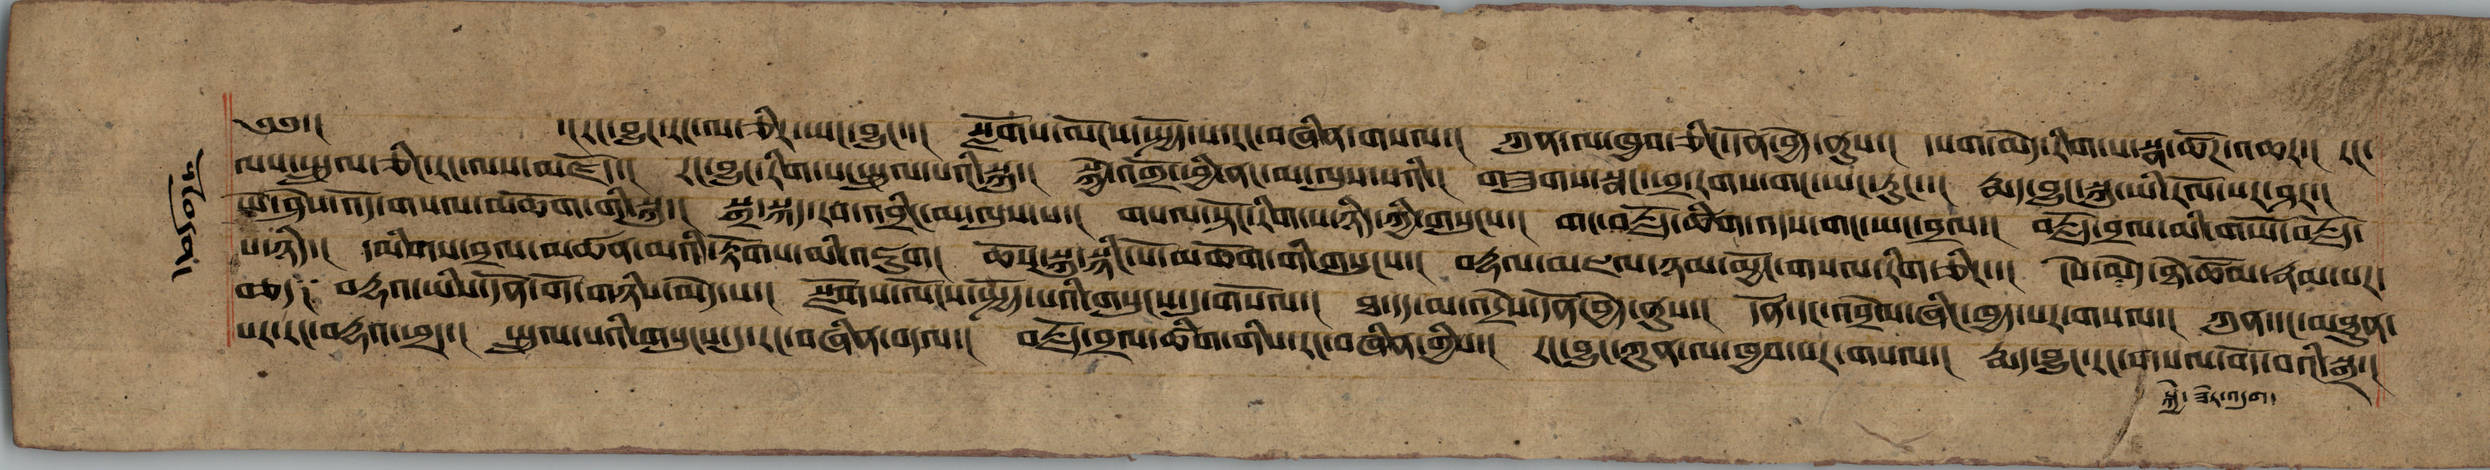༄༅་། དངརང་འབྱུང་རང་ལ་ཅིར་ཡང་བྱུང་་། སྫོགས་ལོངས་སྤྱོད་པ་རང་བཞིན་གསལ་། ཀུན་ལ་ཁྱབ་ཅིང་དོན་བྱེད་ནུས་། དཔག་མེད་རིག་པ་སྣ་ཚོཌ་འཆར་།
ལས་སྤྲུལ་ཅིང་རང་ལས་མཛོད་། རང་བྱུང་རིག་པ་སྤྲུལ་པའི་སྐུ་། སྐྱེ་འགྲོ་ཕྱི་ནང་མ་ལུས་པའི་། གཟུགས་སྣང་ཕྲ་རགས་གང་ཡང་རུང་་། རྨད་བྱུང་སྐུ་ཡི་རོལ་པར་ཤར་།
ཡེ་ཤེས་འོད་གསལ་མཆོག་གི་སྐུ་། སྒྲ་སྐད་རབ་འབྲིང་མ་ལུས་པ་། གསལ་སྟོང་རིག་པ་ཉིད་ཀྱི་གསུངས་། གང་བརྗོད་ཚིག་འདས་གང་ཡང་བྲལ་། བརྗོད་བྲལ་མི་གཡོ་བརྗོད་
པ་ཉིད་། དམིགས་བྲལ་མཚན་མའི་རྟོགས་མི་འཇུག། ཆོས་སྐུ་སྙིང་པོ་མཆོག་གི་གསུངས་། བརྡལ་མཇལ་ཉམ་མྱོང་གསལ་རིག་ཅིང་་། ངེས་མེད་ཐེ་ཚོམ་རྣམ་པར་
བཅད༑ བརྡའ་ཡིས་དོན་གོང་མཉིས་མེད་པ་། སྫོགས་ལོངས་སྤྱོད་པའི་གསུངས་དུ་གསོལ་། ཐ་དད་མ་འདྲེས་དོན་བྱེད་ནུས་། དོན་དང་འབྲེལ་ཞིང་ཁྱད་པར་གསལ་། ཀུན་དང་མཐུན་
པར་རང་བརྡའ་ཕྲད་། སྤྲུལ་པའི་གསུངས་དུ་རང་བཞིན་བདལ་། བརྗོད་བྲལ་ཚིག་གིས་རང་བཞིན་གྱིས་། རང་བྱུང་ཀུན་ལ་ཁྱབ་པར་གསལ་། རྨད་བྱུང་རང་གསལ་བདོ་བའི་སྒྲ་།